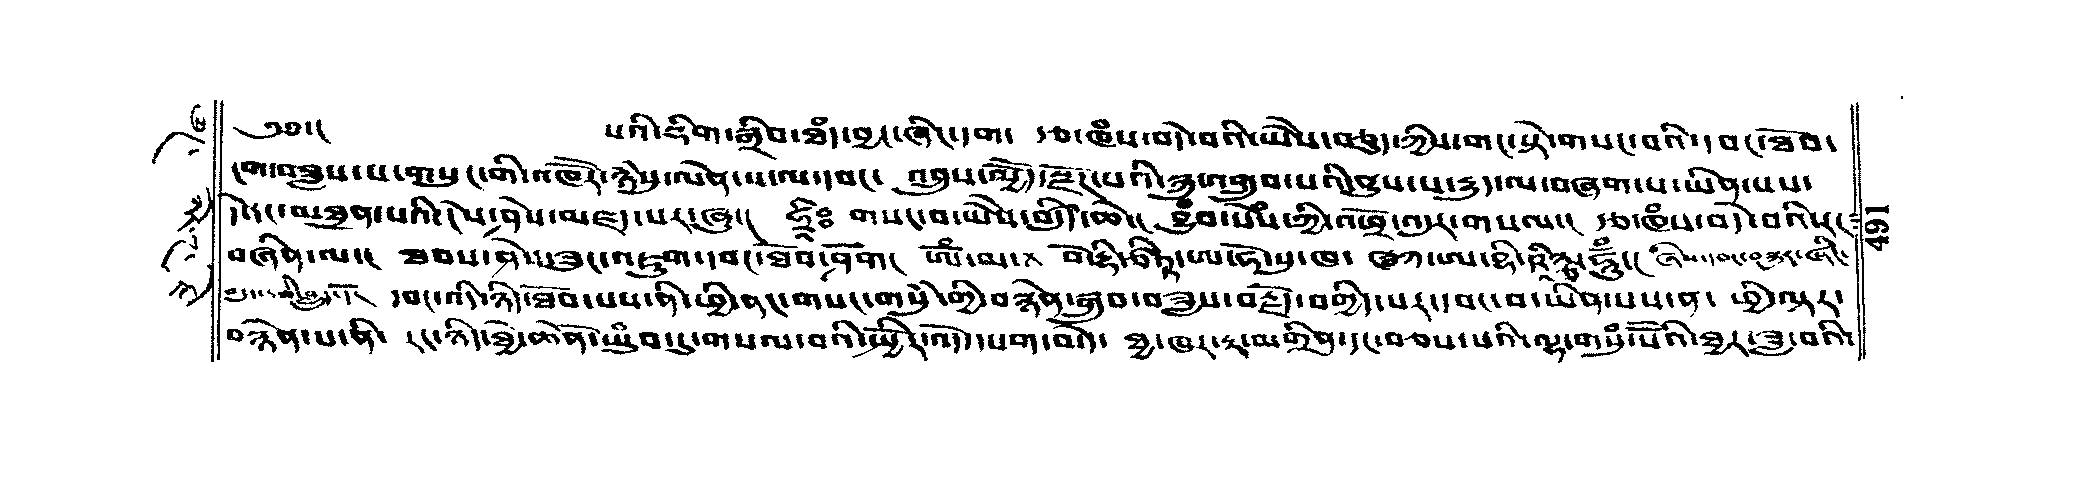པའི་སྡིག་སྒྲིབ་ཐམས་ཅད་སྦྱང་ཞིང་དག་རྩ་ཁམས་བདེ་བའི་ཡེ་ཤེས་བཅུད་ཀྱིས་གང་སྟེ་གསང་བའི་དབང་ཐོབ། 
ངག་བཟླས་པ་གསུང་གི་འཁོར་ལོ་ཉམས་སུ་ལེན་པ་ལ་དབང་། འབྲས་བུ་ལོངས་སྤྱོད་རྫོགས་པའི་སྐུ་འགྲུབ་པའི་ནུས་པ་རྒྱུད་ལ་བཞག་པ་ཡིན་པས་
དེ་དང་མཐུན་པའི་ངེས་ཤེས་མཛད་པར་ཞུ། ཧྲཱིཿ གསང་བ་ཡེ་ཤེས་བདུད་རྩི་ཆེ། །བྱང་ཆུབ་སེམས་ཀྱི་འཕྲོ་འདུར་གསལ། །རྩ་ཁམས་བདེ་བའི་རང་
བཞིན་ལ། །ཐབས་ཤེས་ཟུང་འཇུག་དབང་ཐོབ་ཤོག་།ཨོྃ་མ་༴ བོ་དྷི་ཙིཏྟ་ཨ་ཧོ་སུ་ཁ། ཝ་ཀ་ཨ་བྷི་རཱིཉྩ་ཧཱུྃ། ཞེས་དབང་བསྐུར་ཞིང་
བདུད་རྩི་བླུད་དོ། དབང་འདི་ཉིད་ཐོབ་པས་ནི་ཕྱི་ནང་གསང་གསུམ་གྱི་བསྙེན་སྒྲུབ་བཟླས་བརྗོད་བགྱིད་པར་དབང་བ་ཡིན་པས་ན། ཕྱི་ལྟར་
བསྙེན་པ་ནི། རང་ཉིད་ཐུགས་རྗེ་པོ་ཡབ་ཡུམ་དུ་གསལ་བའི་སྤྱི་བོར་འོད་དཔག་མེད། ཐུགས་ཁར་རྟ་མགྲིན་དང་བཅས་པའི་ལྷ་གསུམ་སོ་སོའི་ཐུགས་ཁར་ཟླ་བའི་